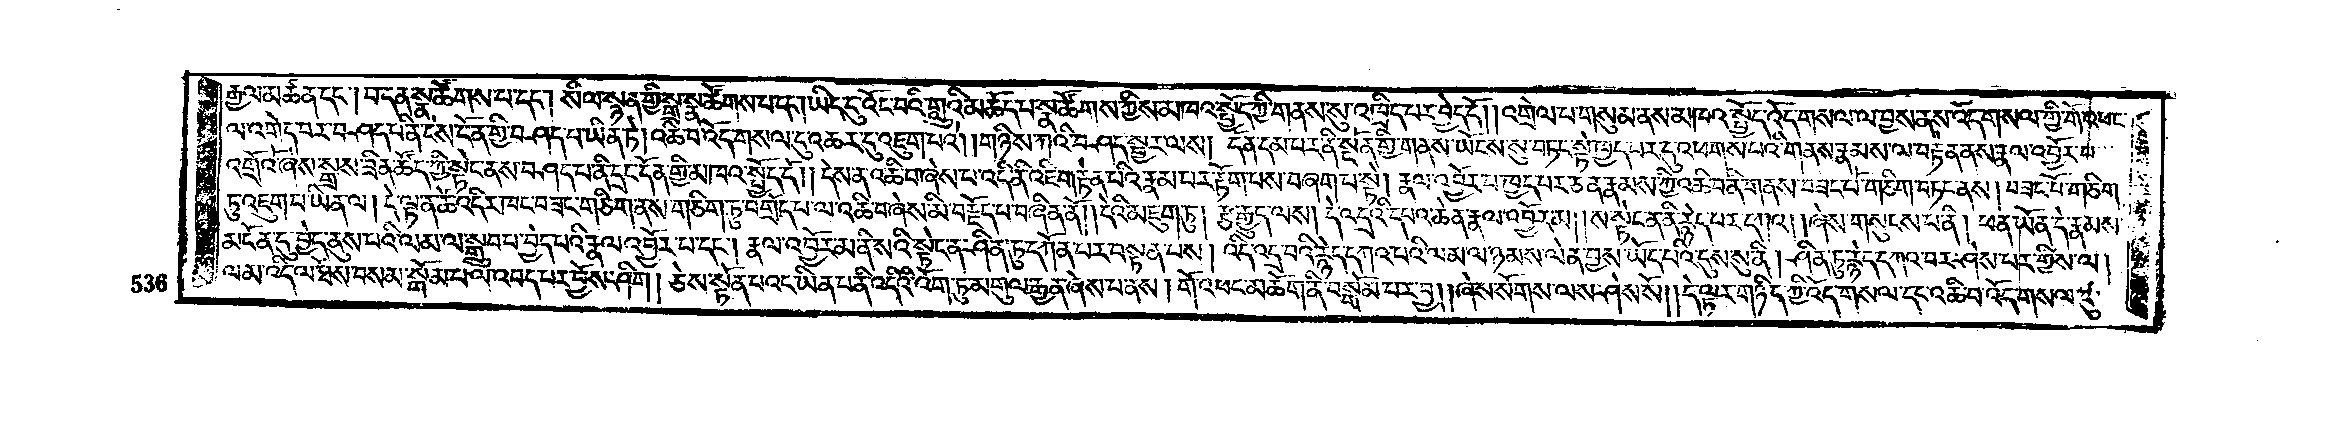རྒྱལ་མཚན་དང་། བ་དན་སྣ་ཚོགས་པ་དང་། སིལ་སྙན་གྱི་སྒྲ་སྣ་ཚོགས་པ་དང་། ཡིད་དུ་འོང་བའི་གླུའི་མཆོད་པ་སྣ་ཚོགས་ཀྱིས་མཁའ་སྤྱོད་ཀྱི་གནས་སུ་འཁྲིད་པར་བྱེད་དོ། །འགྲེལ་པ་གསུམ་ནས་མཁའ་སྤྱོད་འོད་གསལ་ལ་བྱས་ནས་འོད་གསལ་གྱི་གོ་འཕང་
ལ་འགོད་བར་བཤད་པ་ནི་ངེས་དོན་གྱི་བཤད་པ་ཡིན་ཏེ། འཆི་བ་འོད་གསལ་དུ་འཆར་དུ་འཇུག་པའོ། །གཉིས་ཀའི་བཤད་སྦྱར་ལས། དོན་དམ་པར་ནི་སྔོན་གྱི་གནས་ཡོངས་སུ་བཏང་སྟེ་ཁྱད་པར་དུ་འཕགས་པའི་གནས་རྣམས་ལ་བརྟེན་ནས་རྣལ་འབྱོར་པ་
འགྲོའོ་ཞེས་སྒྲས་ཟིན་ཚོད་ཀྱི་སྟེང་ནས་བཤད་པ་ནི་དྲང་དོན་གྱི་མཁའ་སྤྱོད་དོ། །དེས་ན་འཆི་བ་ཞེས་པ་འདི་ནི་འཇིག་རྟེན་པའི་རྣམ་པར་རྟོག་པས་བཞག་པ་སྟེ། རྣལ་འབྱོར་པ་ཁྱད་པར་ཅན་རྣམས་ཀྱི་འཆི་བ་ནི་གནས་བཟང་པོ་གཅིག་བཏང་ནས། བཟང་པོ་གཅིག་
ཏུ་འཇུག་པ་ཡིན་ལ། དེ་ལྟ་ན་ཚེ་འདིར་ཁང་བཟང་གཅིག་ནས་གཅིག་ཏུ་བགྲོད་པ་ལ་འཆི་བ་ཞེས་མི་བརྗོད་པ་བཞིན་ནོ། །དེའི་མཇུག་ཏུ། རྩ་རྒྱུད་ལས། དེ་འདྲའི་དཔའ་ཆེན་རྣལ་འབྱོར་མ། །ས་སྟེང་ན་ནི་རྙེད་པར་དཀའ། །ཞེས་གསུངས་པ་ནི། ཕན་ཡོན་དེ་རྣམས་
མངོན་དུ་བྱེད་ནུས་པའི་ལམ་ལ་སྒྲུབ་པ་བྱེད་པའི་རྣལ་འབྱོར་པ་དང་། རྣལ་འབྱོར་མ་ནི་སའི་སྟེང་ན་ཤིན་ཏུ་དཀོན་པར་བསྟན་པས། འདི་འདྲ་བའི་རྙེད་དཀའ་པའི་ལམ་ལ་ཉམས་ལེན་བྱས་ཡོད་པའི་དུས་སུ་ནི། ཤིན་ཏུ་རྙེད་དཀའ་བར་ཤེས་པར་གྱིས་ལ།
ལམ་འདི་ལ་ཐོས་བསམ་སྒོམ་པ་ལ་འབད་པར་བྱོས་ཤིག །ཅེས་སྟོན་པའང་ཡིན་པ་ནི་འདིའི་འོག་ཏུ་མགུལ་རྒྱན་ཞེས་པ་ནས། གོ་འཕང་མཆོག་ནི་བསྒོམ་པར་བྱ། །ཞེས་སོགས་ལས་ཤེས་སོ། །དེ་ལྟར་གཉིད་ཀྱི་འོད་གསལ་དང་འཆི་བ་འོད་གསལ་དུ་